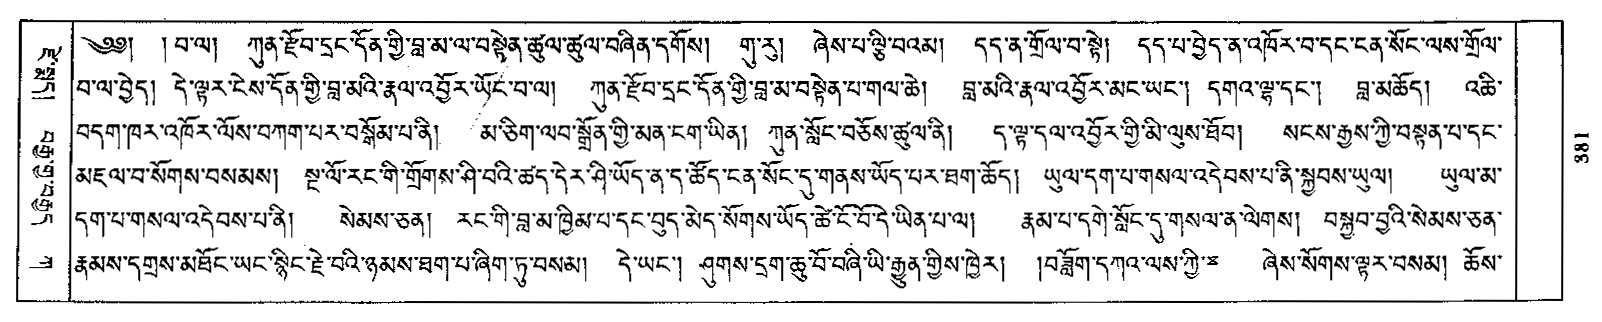༄༅། །བ་ལ། ཀུན་རྫོབ་དྲང་དོན་གྱི་བླ་མ་ལ་བསྟེན་ཚུལ་ཚུལ་བཞིན་དགོས། གུ་རུ། ཞེས་པ་ལྕི་བའམ། དད་ན་གྲོལ་བ་སྟེ། དད་པ་བྱེད་ན་འཁོར་བ་དང་ངན་སོང་ལས་གྲོལ་
བ་ལ་བྱེད། དེ་ལྟར་ངེས་དོན་གྱི་བླ་མའི་རྣལ་འབྱོར་ཡོང་བ་ལ། ཀུན་རྫོབ་དྲང་དོན་གྱི་བླ་མ་བསྟེན་པ་གལ་ཆེ། བླ་མའི་རྣལ་འབྱོར་མང་ཡང་། དགའ་ལྷ་དང་། བླ་མཆོད། འཆི་
བདག་ཁར་འཁོར་ལོས་བཀག་པར་བསྒོམ་པ་ནི། མ་ཅིག་ལབ་སྒྲོན་གྱི་མན་ངག་ཡིན། ཀུན་སློང་བཅོས་ཚུལ་ནི། ད་ལྟ་དལ་འབྱོར་གྱི་མི་ལུས་ཐོབ། སངས་རྒྱས་ཀྱི་བསྟན་པ་དང་
མཇལ་བ་སོགས་བསམས། སྔ་ལོ་རང་གི་གྲོགས་ཤི་བའི་ཚད་དེར་ཤི་ཡོད་ན་ད་ཚོད་ངན་སོང་དུ་གནས་ཡོད་པར་ཐག་ཆོད། ཡུལ་དག་པ་གསལ་འདེབས་པ་ནི་སྐྱབས་ཡུལ། ཡུལ་མ་
དག་པ་གསལ་འདེབས་པ་ནི། སེམས་ཅན། རང་གི་བླ་མ་ཁྱིམ་པ་དང་བུད་མེད་སོགས་ཡོད་ཚེ་ངོ་བོ་དེ་ཡིན་པ་ལ། རྣམ་པ་དགེ་སློང་དུ་གསལ་ན་ལེགས། བསྐྱབ་བྱའི་སེམས་ཅན་
རྣམས་དགྲས་མཐོང་ཡང་སྙིང་རྗེ་བའི་ཉམས་ཐག་པ་ཞིག་ཏུ་བསམ། དེ་ཡང་། ཤུགས་དྲག་ཆུ་བོ་བཞི་ཡི་རྒྱུན་གྱིས་ཁྱེར། །བཟློག་དཀའ་ལས་ཀྱི་྾་ཞེས་སོགས་ལྟར་བསམ། ཆོས་